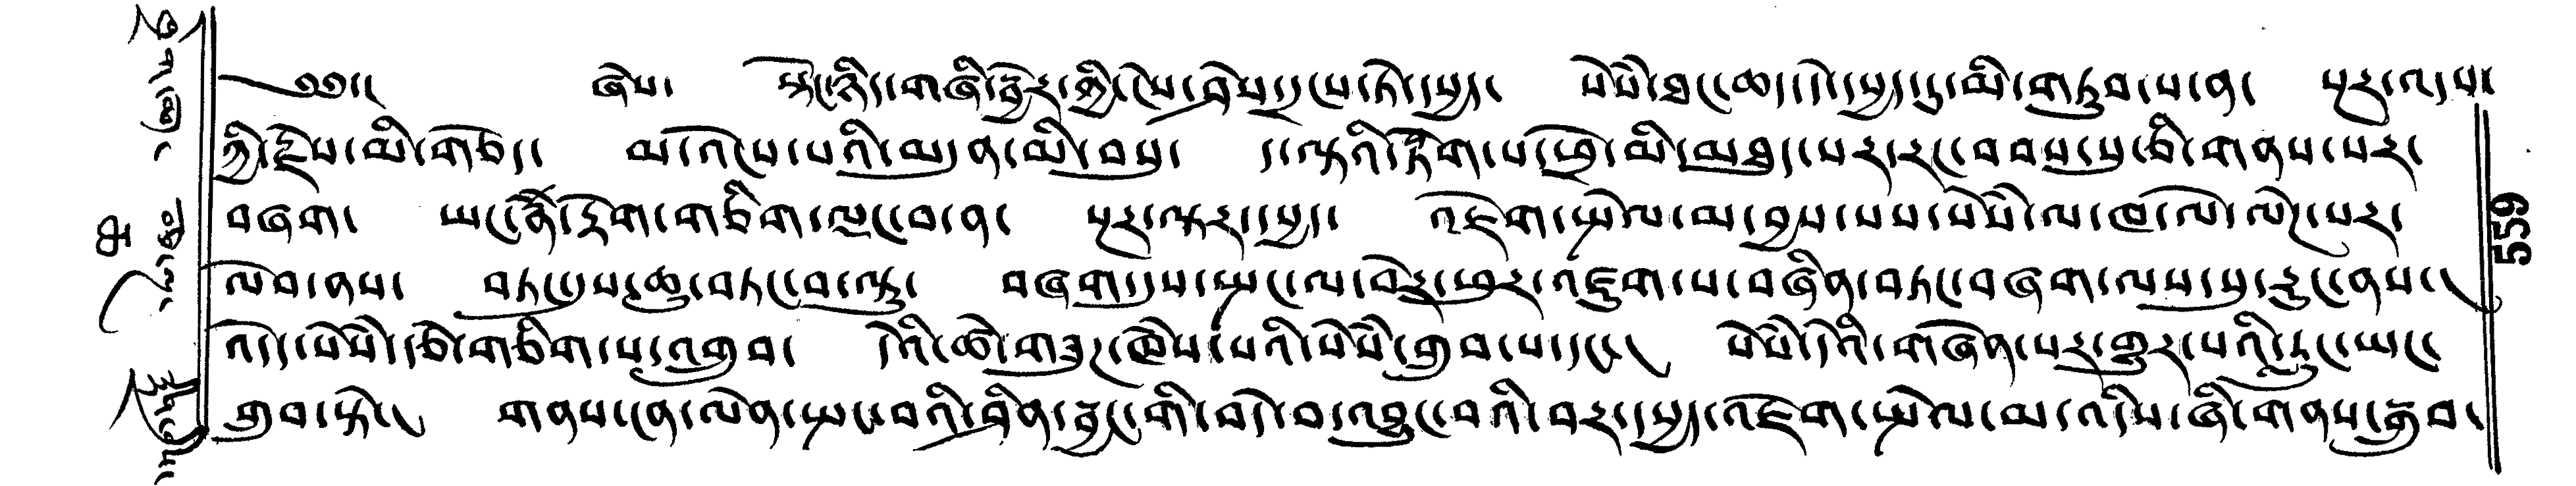ཞེས། སྟོང་ཉིད་གཞི་སྦྱོར་གྱི་ངེས་ཤེས་དྲངས་ཏེ་དཔྱད། སེམས་ཐང་ཆད་དེ་དཔྱད་དུ་མི་གཏུབ་པ་ན། སྔར་འདས་
ཀྱི་རྗེས་མི་གཅོད། མ་འོངས་པའི་མདུན་མི་བསུ། ད་ལྟའི་རྟོག་པ་ཕྲོ་མི་མཐུད་པར་རང་བབས་སུ་ཅི་གནས་པར་
བཞག ཡང་རྣམ་རྟོག་གཅིག་ལྡང་བ་ན། སྔར་ལྟར་དཔྱད་འཇོག་སྤེལ་མ་བྱས་པས་སེམས་ལ་ཁ་ལོ་ལེགས་པར་
ལོབས་ནས། བཏང་དུས་ཆུ་བཏང་བ་ལྟ་བུ། བཞག་དུས་སྤང་ལ་བེ་ཕུར་འཛུག་པ་བཞིན་བཏང་བཞག་ལས་སུ་རུང་ནས། 
འདོད་སེམས་རྩེ་གཅིག་པ་འགྲུབ། དེའི་ཚེ་གཟུགས་ཁམས་པའི་སེམས་འགྲུབ་པ་དང་། སེམས་དེའི་གཞོན་པར་གྱུར་པའི་རླུང་ཡང་
འགྲུབ་སྟེ། གནས་ངན་ལེན་སྤངས་བའི་ཤིན་སྦྱང་གི་བདེ་བ་འབྱུང་བའི་བར་དཔྱད་འཇོག་སྤེལ་མ་འདིས་ཞི་གནས་སྒྲུབ་